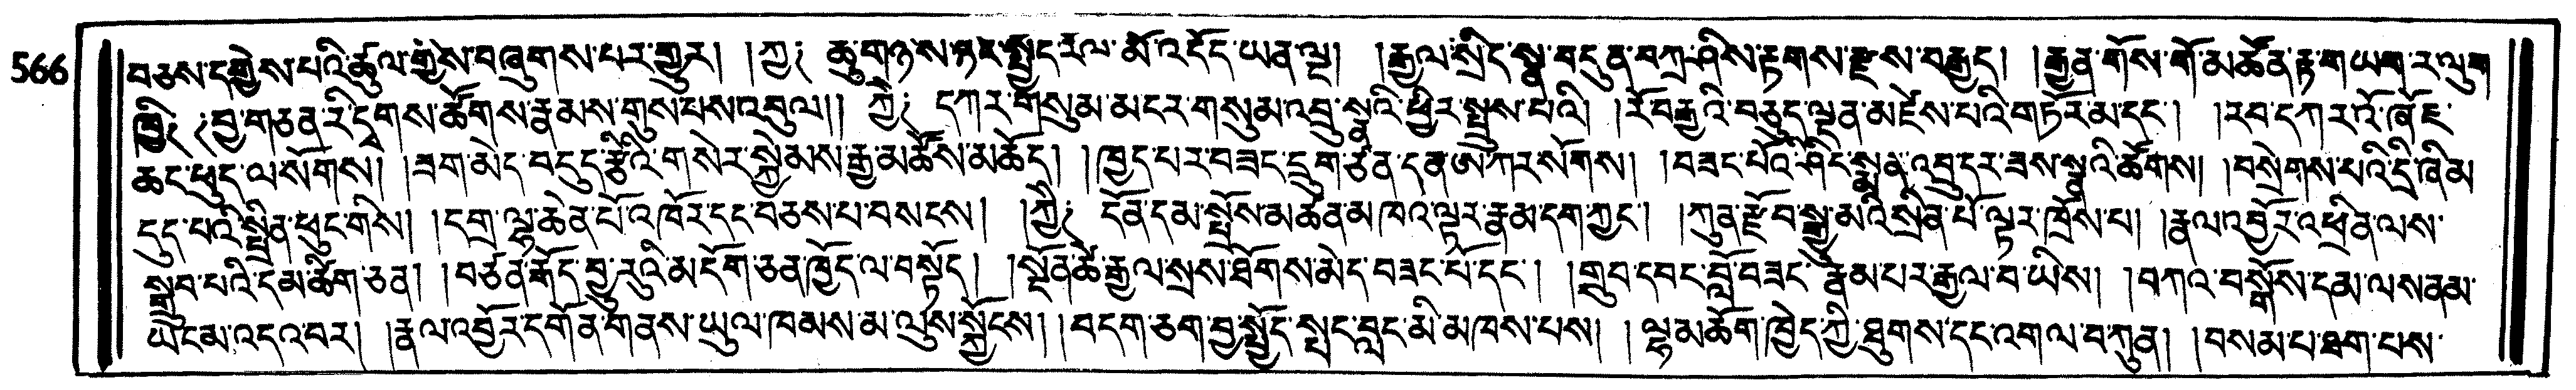བཅས་དགྱེས་པའི་ཚུལ་གྱིས་བཞུགས་པར་གྱུར། །ཀྱ༑ ཆུ་གཉིས་ཉང་སྤྱོད་རོལ་མོ་འདོད་ཡན་ལྔ། །རྒྱལ་སྲིད་སྣ་བདུན་བཀྲ་ཤིས་རྟགས་རྫས་བརྒྱད། །རྒྱན་གོས་གོ་མཚོན་རྟ་གཡག་ར་ལུག་
ཁྱི༑ ༑བྱ་གཅན་རི་དྭགས་ཚོགས་རྣམས་གུས་པས་འབུལ།། ཀྱཻ༑ དཀར་གསུམ་མངར་གསུམ་འབྲུ་སྣའི་ཕྱིར་སྤྲུས་པའི། །རོ་བརྒྱའི་བཅུད་ལྡན་མཛེས་པའི་གཏོར་མ་དང་། །རབ་དཀར་འོ་ཞོ་ཇ་
ཆང་ཕུད་ལ་སོགས། །ཟག་མེད་བདུད་རྩིའི་གསེར་སྐྱེམས་རྒྱ་མཚོས་མཆོད། །ཁྱད་པར་བཟང་དྲུག་ཙན་དན་ཨ་ཀར་སོགས། །བཟང་པོའི་ཤིང་སྨན་འབྲུ་དར་ཟས་སྣའི་ཚོགས། །བསྲེགས་པའི་དྲི་ཞིམ་
དུད་པའི་སྤྲིན་ཕུང་གིས། །དགྲ་ལྷ་ཆེན་པོ་འཁོར་དང་བཅས་པ་བསངས། །ཀྱཻ༑ དོན་དམ་སྤྲོས་མཚན་མཁའ་ལྟར་རྣམ་དག་ཀྱང་། །ཀུན་རྫོབ་སྒྱུ་མའི་སྲིན་པོ་ལྟར་ཁྲོས་པ། །རྣལ་འབྱོར་འཕྲིན་ལས་
སྒྲུབ་པའི་དམ་ཚིག་ཅན། །བཙན་རྒོད་བྱུ་རུའི་མདོག་ཅན་ཁྱོད་ལ་བསྟོད། །སྔོན་ཚེ་རྒྱལ་སྲས་ཐོགས་མེད་བཟང་པོ་དང་། །གྲུབ་དབང་བློ་བཟང་རྣམ་པར་རྒྱལ་བ་ཡིས། །བཀའ་བསྒོས་དམ་ལས་ནམ་
ཡང་མ་འདའ་བར། །རྣལ་འབྱོར་དགོན་གནས་ཡུལ་ཁམས་མ་ལུས་སྐྱོངས། །བདག་ཅག་བྱ་སྤྱོད་སྤང་བླང་མི་མཁས་པས། །ལྷ་མཆོག་ཁྱེད་ཀྱི་ཐུགས་དང་འགལ་བ་ཀུན། །བསམ་པ་ཐག་པས་